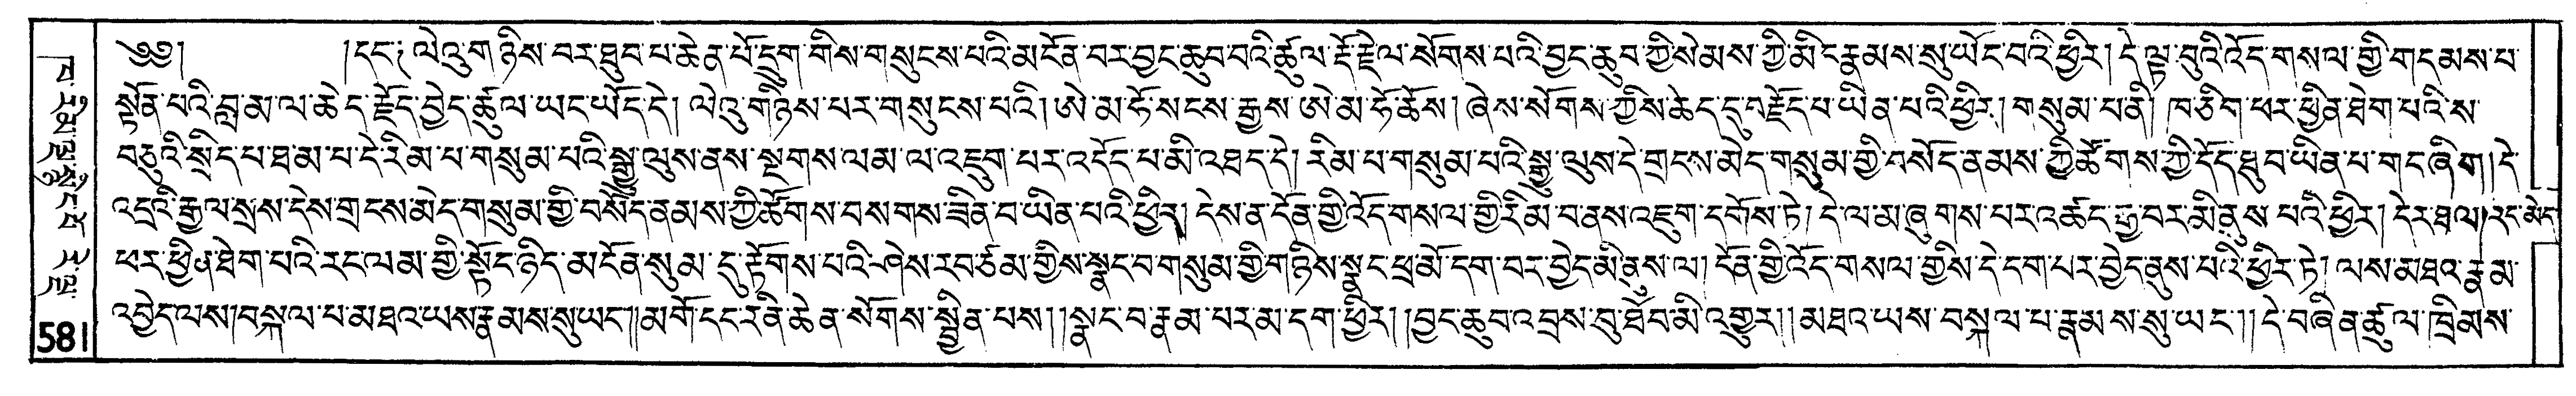༄༅། །དང༑ ལེའུ་གཉིས་བར་ཐུབ་པ་ཆེན་པོ་དྲུག་གིས་གསུངས་པའི་མངོན་པར་བྱང་ཆུབ་པའི་ཚུལ་རྡོ་རྗེ་ལ་སོགས་པའི་བྱང་ཆུབ་ཀྱི་སེམས་ཀྱི་སེམས་ཀྱི་མིང་རྣམས་སུ་ཡོད་པའི་ཕྱིར། དེ་ལྟ་བུའི་འོད་གསལ་གྱི་གདམས་པ་
སྟོན་པའི་བླ་མ་ལ་ཆེད་རྗོད་བྱེད་ཚུལ་ཡང་ཡོད་དེ། ལེའུ་གཉིས་པར་གསུངས་པའི། ཨེ་མ་ཧོ་སངས་རྒྱས་ཨེ་མ་ཧོ་ཆོས། ཞེས་སོགས་ཀྱིས་ཆེད་དུ་བརྗོད་པ་ཡིན་པའི་ཕྱིར། གསུམ་པ་ནི། ཁ་ཅིག་ཕར་ཕྱིན་ཐེག་པའི་ས་
བཅུའི་སྲིད་པ་ཐ་མ་པ་དེ་རིམ་པ་གསུམ་པའི་སྒྱུ་ལུས་ནས་སྔགས་ལམ་ལ་འཇུག་པར་འདོད་པ་མི་འཐད་དེ། རིམ་པ་གསུམ་པའི་སྒྱུ་ལུས་དེ་གྲངས་མེད་གསུམ་གྱི་བསོད་ནམས་ཀྱི་ཚོགས་ཀྱི་དོད་ཐུབ་ཡིན་པ་གང་ཞིག །དེ་
འདྲའི་རྒྱལ་སྲས་དེས་གྲངས་མེད་གསུམ་གྱི་བསོད་ནམས་ཀྱི་ཚོགས་བསགས་ཟིན་པ་ཡིན་པའི་ཕྱིར། དེས་ན་དོན་གྱི་འོད་གསལ་གྱི་རིམ་པ་ནས་འཇུག་དགོས་ཏེ། དེ་ལ་མ་ཞུགས་པར་འཚང་རྒྱ་བར་མི་ནུས་པའི་ཕྱིར། དེར་ཐལ། རང་མེད་
ཕར་ཕྱིན་ཐེག་པའི་རང་ལམ་གྱི་སྟོང་ཉིད་མངོན་སུམ་དུ་རྟོགས་པའི་ཤེས་རབ་ཙམ་གྱིས་སྣང་བ་གསུམ་གྱི་གཉིས་སྣང་ཕྲ་མོ་དག་བར་བྱེད་མི་ནུས་ལ། དོན་གྱི་འོད་གསལ་གྱིས་དེ་དག་པར་བྱེད་ནུས་པའི་ཕྱིར་ཏེ། ལས་མཐའ་རྣམ་
འབྱེད་ལས། བསྐལ་པ་མཐའ་ཡས་རྣམས་སུ་ཡང་། །མགོ་དང་རིན་ཆེན་སོགས་སྦྱིན་པས། །སྣང་བ་རྣམ་པར་མ་དག་ཕྱིར། །བྱང་ཆུབ་འབྲས་བུ་ཐོབ་མི་འགྱུར། །མཐའ་ཡས་བསྐལ་པ་རྣམས་སུ་ཡང་། །དེ་བཞིན་ཚུལ་ཁྲིམས་